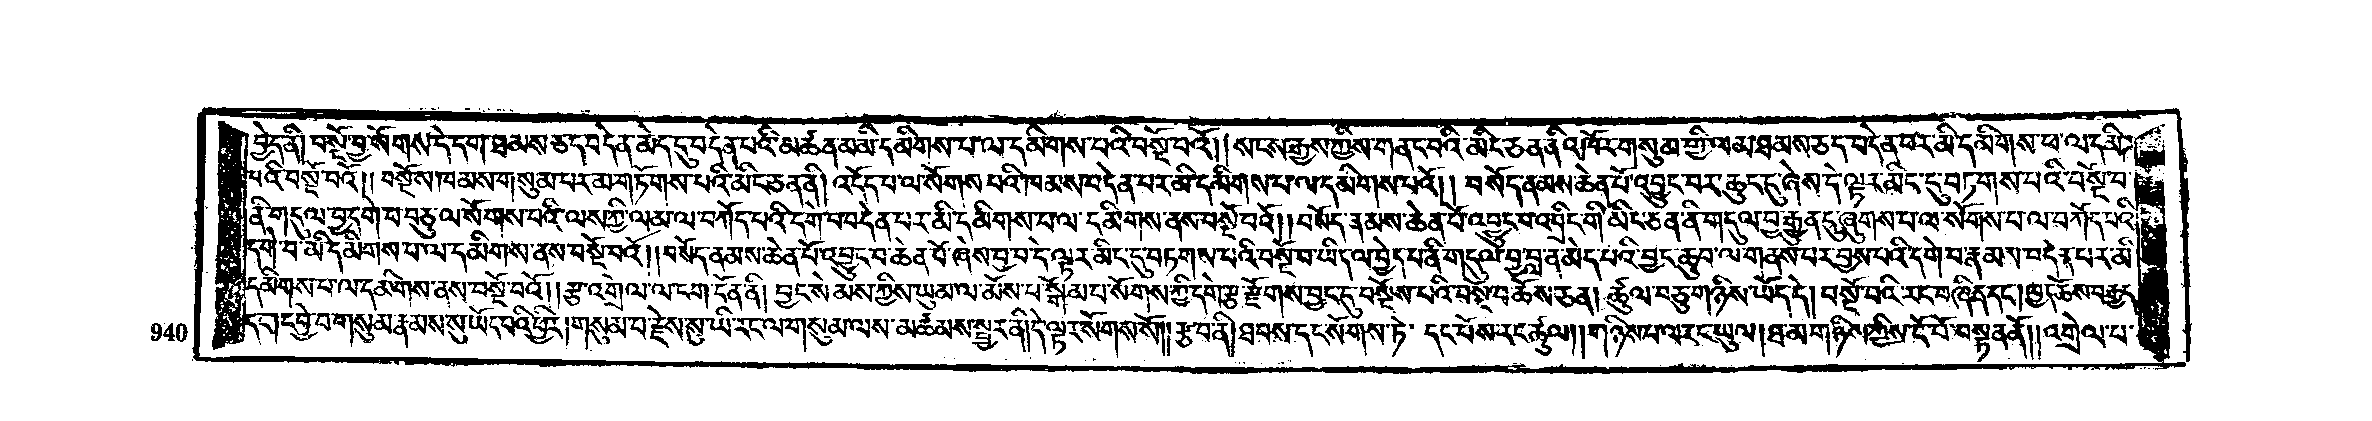བྱེད་ནི། བསྔོ་བྱ་སོགས་དེ་དག་ཐམས་ཅད་བདེན་མེད་དུ་བདེན་པའི་མཚན་མ་མི་དམིགས་པ་ལ་དམིགས་པའི་བསྔོ་བའོ། །སངས་རྒྱས་ཀྱིས་གནང་བའི་མིང་ཅན་ནི་འཁོར་གསུམ་གྱི་ལམ་ཐམས་ཅད་བདེན་པར་མི་དམིགས་པ་ལ་དམིགས་
པའི་བསྔོ་བའོ། །བསྔོ་ས་ཁམས་གསུམ་པར་མ་གཏོགས་པའི་མིང་ཅན་ནི། འདོད་པ་ལ་སོགས་པའི་ཁམས་བདེན་པར་མི་དམིགས་པ་ལ་དམིགས་པའོ། །བསོད་ནམས་ཆེན་པོ་འབྱུང་བར་ཆུང་ངུ་ཞེས་དེ་ལྟར་མིང་དུ་བཏགས་པའི་བསྔོ་བ་
ནི་གདུལ་བྱ་དགེ་བ་བཅུ་ལ་སོགས་པའི་ལས་ཀྱི་ལམ་ལ་བཀོད་པའི་དགེ་བ་བདེན་པར་མི་དམིགས་པ་ལ་དམིགས་ནས་བསྔོ་བའོ། །བསོད་ནམས་ཆེན་པོ་འབྱུང་བ་འབྲིང་གི་མིང་ཅན་ནི་གདུལ་བྱ་རྒྱུན་དུ་ཞུགས་པ་ལ་སོགས་པ་ལ་བཀོད་པའི་
དགེ་བ་མི་དམིགས་པ་ལ་དམིགས་ནས་བསྔོ་བའོ། །བསོད་ནམས་ཆེན་པོ་འབྱུང་བ་ཆེན་པོ་ཞེས་བྱ་བ་དེ་ལྟར་མིང་དུ་བཏགས་པའི་བསྔོ་བ་ཡིད་ལ་བྱེད་པ་ནི་གདུལ་བྱ་བླ་ན་མེད་པའི་བྱང་ཆུབ་ལ་གནས་པར་བྱས་པའི་དགེ་བ་རྣམས་བདེན་པར་མི་
དམིགས་པ་ལ་དམིགས་ནས་བསྔོ་བའོ། །རྩ་འགྲེལ་ལ་ངག་དོན་ནི། བྱང་སེམས་ཀྱིས་ཡུམ་ལ་མོས་པ་སྒོམ་པ་སོགས་ཀྱི་དགེ་རྩ་རྫོགས་བྱང་དུ་བསྔོས་པའི་བསྔོ་བ་ཆོས་ཅན། ཚུལ་བཅུ་གཉིས་ཡོད་དེ། བསྔོ་བའི་རང་བཞིན་དང་། ཁྱད་ཆོས་བརྒྱད་
དང༑ དབྱེ་བ་གསུམ་རྣམས་སུ་ཡོད་པའི་ཕྱིར། གསུམ་པ་རྗེས་སུ་ཡི་རང་ལ་གསུམ་ལས་མཚམས་སྦྱར་ནི། དེ་ལྟར་སོགས་སོ། །རྩ་བ་ནི། ཐབས་དང་སོགས་ཏེ་དང་པོས་རང་ཚུལ། །གཉིས་པ་ལ་རང་ཡུལ། ཐ་མ་གཉིས་ཀྱིས་ངོ་བོ་བསྟན་ནོ། །འགྲེལ་པ་